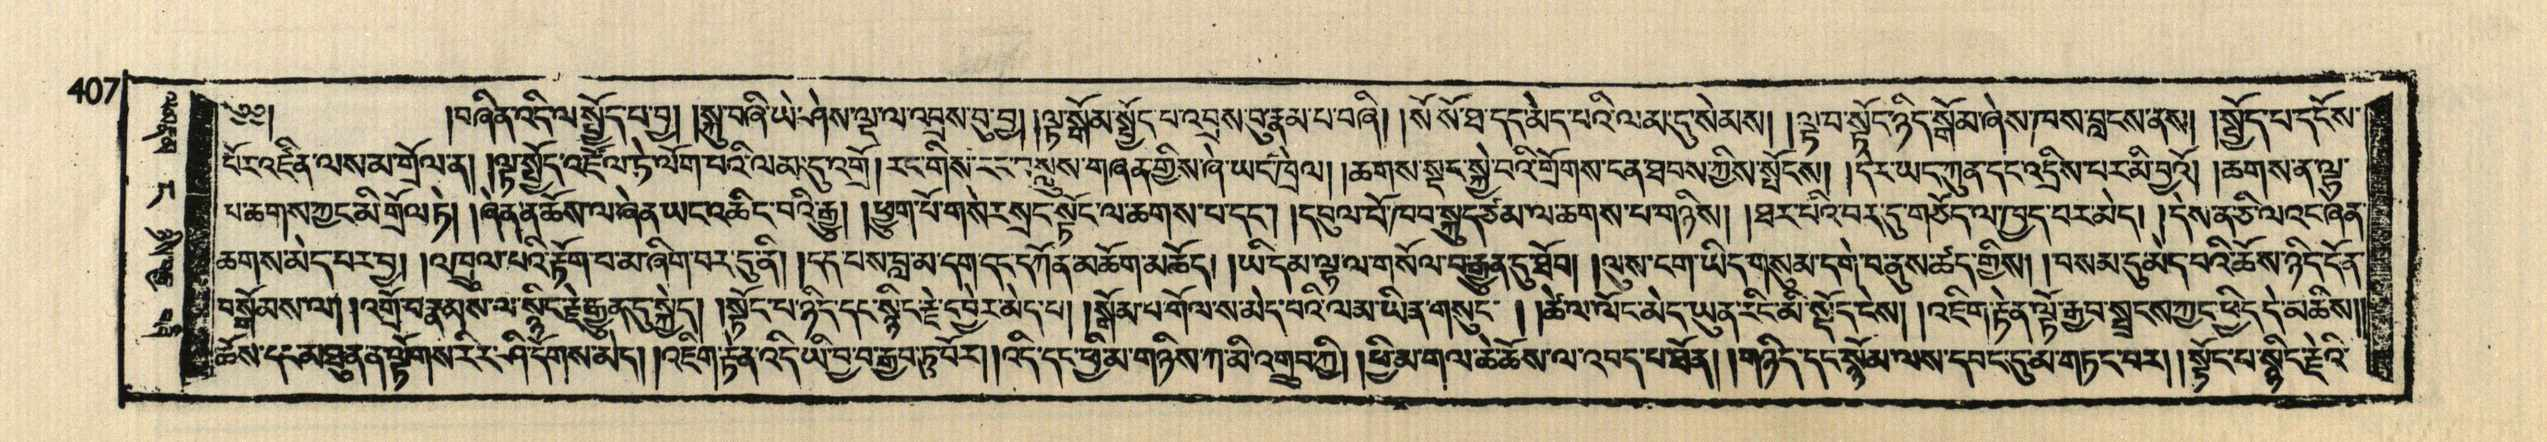༄༅། །བཞིན་འདི་ལ་སྤྱོད་པ་བྱ། །སྐུ་བཞི་ཡེ་ཤེས་ལྔ་ལ་འབྲས་བུ་བྱ། །ལྟ་སྒོམ་སྤྱོད་པ་འབྲས་བུ་རྣམ་པ་བཞི། །སོ་སོ་ཐ་དད་མེད་པའི་ལམ་དུ་སེམས། །ལྟ་བ་སྟོང་ཉིད་སྒོམ་ཞེས་ཁས་བླངས་ནས། །སྤྱོད་པ་དངོས་
པོར་འཛིན་ལས་མ་གྲོལ་ན། །ལྟ་སྤྱོད་འཇོལ་ཏེ་ལོག་པའི་ལམ་དུ་འགྲོ། རང་གིས་རང་བསླུས་གཞན་གྱིས་ཞེ་ཡང་ཁྲེལ། །ཆགས་སྡང་སྐྱེ་བའི་གྲོགས་ངན་ཐབས་ཀྱིས་སྤོངས། །དེར་ཡང་ཀུན་དང་འདྲིས་པར་མི་བྱའོ། །ཆགས་ན་ལྷ་
པ་ཆགས་ཀྱང་མི་གྲོལ་ཏེ། །ཞེན་ན་ཆོས་ལ་ཞེན་ཡང་འཆིང་བའི་རྒྱུ། །ཕྱུག་པོ་གསེར་སྲང་སྟོང་ལ་ཆགས་པ་དང་། །དབུལ་པོ་ཁབ་སྐུད་ཙམ་ལ་ཆགས་པ་གཉིས། །ཐར་པའི་བར་དུ་གཅོད་ལ་ཁྱད་པར་མེད། །དེས་ན་ཅི་ལའང་ཞེན་
ཆགས་མེད་པར་བྱ། །འཁྲུལ་པའི་རྟོག་པ་མ་ཞིག་བར་དུ་ནི། །དད་པས་བླ་མ་དག་དང་དཀོན་མཆོག་མཆོད། །ཡི་དམ་ལྷ་ལ་གསོལ་བ་རྒྱུན་དུ་ཐོབ། །ལུས་ངག་ཡིད་གསུམ་དགེ་བ་ནུས་ཚད་གྱིས། །བསམ་དུ་མེད་པའི་ཆོས་ཉིད་དོན་
བསྒོམས་ལ། །འགྲོ་བ་རྣམས་ལ་སྙིང་རྗེ་རྒྱུན་དུ་སྐྱེད། །སྟོང་པ་ཉིད་དང་སྙིང་རྗེ་དབྱེར་མེད་པ། །སྒོམ་པ་གོལ་ས་མེད་པའི་ལམ་ཡིན་གསུང་། །ཚེ་ལ་ལོང་མེད་ཡུན་རིང་མི་སྡོད་ངེས། །འཇིག་རྟེན་ལྟོ་རྒྱབ་སྤྲངས་ཀྱང་ཕྱིད་དེ་མཆིས།།
ཆོས་དང་མཐུན་ན་ལྟོགས་རིར་ཤི་དོགས་མེད། །འཇིག་རྟེན་འདི་ཡི་བྱ་བ་རྒྱབ་ཏུ་བོར། །འདི་དང་ཕྱི་མ་གཉིས་ཀ་མི་འགྲུབ་ཀྱི། །ཕྱི་མ་གལ་ཆེ་ཆོས་ལ་འབད་པ་ཐོན། །གཉིད་དང་སྙོམ་ལས་དབང་དུ་མ་གཏང་བར། །སྟོང་པ་སྙིང་རྗེའི་